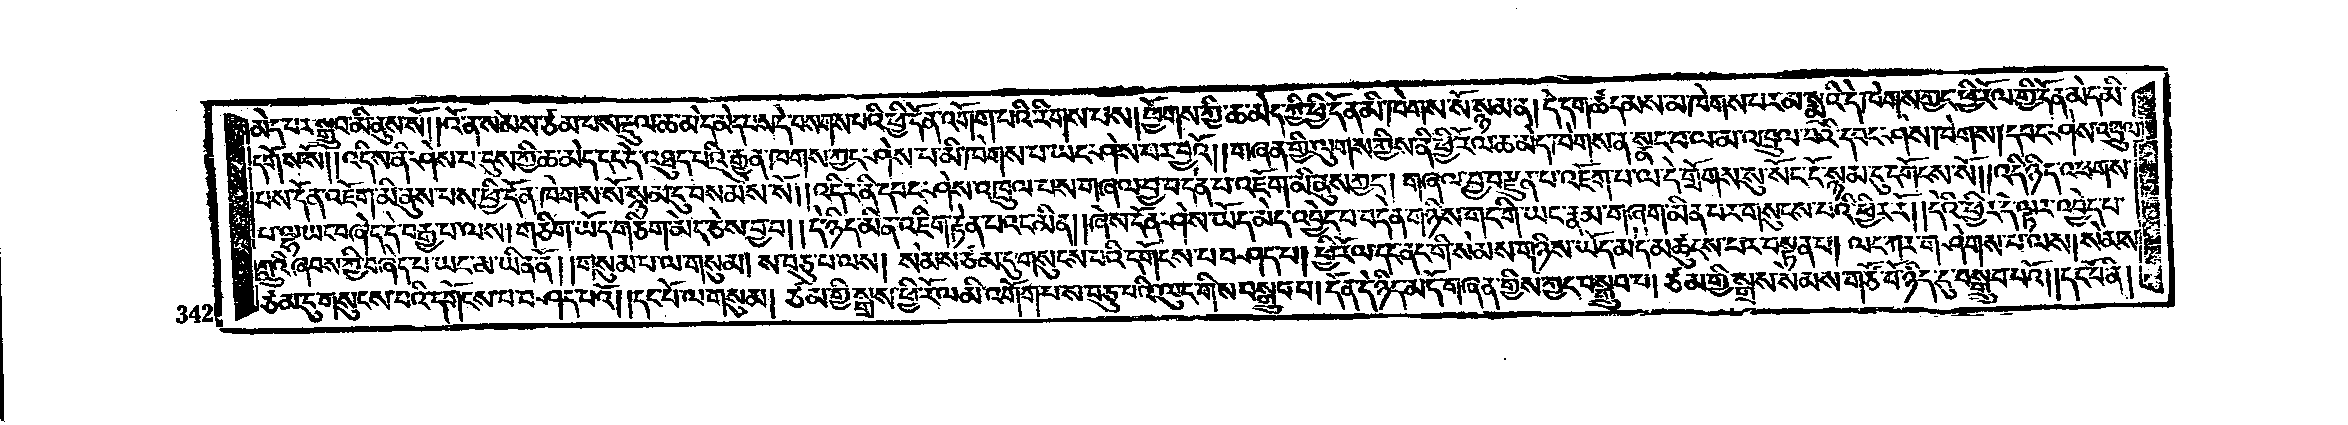མེད་པར་སྒྲུབ་མི་ནུས་སོ། །འོ་ན་སེམས་ཙམ་པས་རྡུལ་ཆ་མེད་མེད་པས་དེ་བསགས་པའི་ཕྱི་དོན་འགོག་པའི་རིགས་པས། ཕྱོགས་ཀྱི་ཆ་མེད་ཀྱི་ཕྱི་དོན་མི་ཁེགས་སོ་སྙམ་ན། དེ་དག་ཚད་མས་མ་ཁེགས་པར་མ་སྨྲའི་དེ་ཁེགས་ཀྱང་ཕྱི་རོལ་གྱི་དོན་མོད་མི་
དགོས་སོ། །འདིས་ནི་ཤེས་པ་དུས་ཀྱི་ཆ་མེད་དང་དེ་འཐུད་པའི་རྒྱུན་ཁེགས་ཀྱང་ཤེས་པ་མི་ཁེགས་པ་ཡང་ཤེས་པར་བྱའོ། །གཞན་གྱི་ལུགས་ཀྱིས་ནི་ཕྱི་རོལ་ཆ་མེད་ཁེགས་ན་སྣང་བ་ལ་མ་འཁྲུལ་བའི་དབང་ཤེས་ཁེགས། དབང་ཤེས་འཁྲུལ་
པས་དོན་འཇོག་མི་ནུས་པས་ཕྱི་དོན་ཁེགས་སོ་སྙམ་དུ་བསམས་སོ། །འདིར་ནི་དབང་ཤེས་འཁྲུལ་པས་གཞལ་བྱ་བདེན་པ་འཇོག་མི་ནུས་ཀྱང་། གཞལ་བྱ་བརྫུན་པ་འཇོག་པ་ལ་དེ་གྲོགས་སུ་སོང་ངོ་སྙམ་དུ་དགོངས་སོ། །འདི་ཉིད་འཕགས་
པ་ལྷ་ཡང་བཞེད་དེ་བརྒྱ་པ་ལས། གཅིག་ཡོད་གཅིག་མེད་ཅེས་བྱ་བ། །དེ་ཉིད་མིན་འཇིག་རྟེན་པའང་མིན། །ཞེས་དོན་ཤེས་ཡོད་མེད་འབྱེད་པ་བདེན་གཉིས་གང་གི་ཡང་རྣམ་གཞག་མིན་པར་གསུངས་པའི་ཕྱིར་རོ། །དེའི་ཕྱིར་དེ་ལྟར་འབྱེད་པ་
ཀླུའི་ཞབས་ཀྱི་བཞེད་པ་ཡང་མ་ཡིན་ནོ། །གསུམ་པ་ལ་གསུམ། ས་བཅུ་པ་ལས། སེམས་ཙམ་དུ་གསུངས་པའི་དགོངས་པ་བཤད་པ། ཕྱི་རོལ་དང་ནང་གི་སེམས་གཉིས་ཡོད་མེད་མཚུངས་པར་བསྟན་པ། ལང་ཀར་གཤེགས་པ་ལས། སེམས་
ཙམ་དུ་གསུངས་པའི་དགོངས་པ་བཤད་པའོ། །དང་པོ་ལ་གསུམ། ཙམ་གྱི་སྒྲས་ཕྱི་རོལ་མི་འགོག་པ་ས་བཅུ་པའི་ལུང་གིས་བསྒྲུབ་པ། དོན་དེ་ཉིད་མདོ་གཞན་གྱིས་ཀྱང་བསྒྲུབ་པ། ཙམ་གྱི་སྒྲས་སེམས་གཙོ་བོ་ཉིད་དུ་བསྒྲུབ་པའོ། །དང་པོ་ནི།